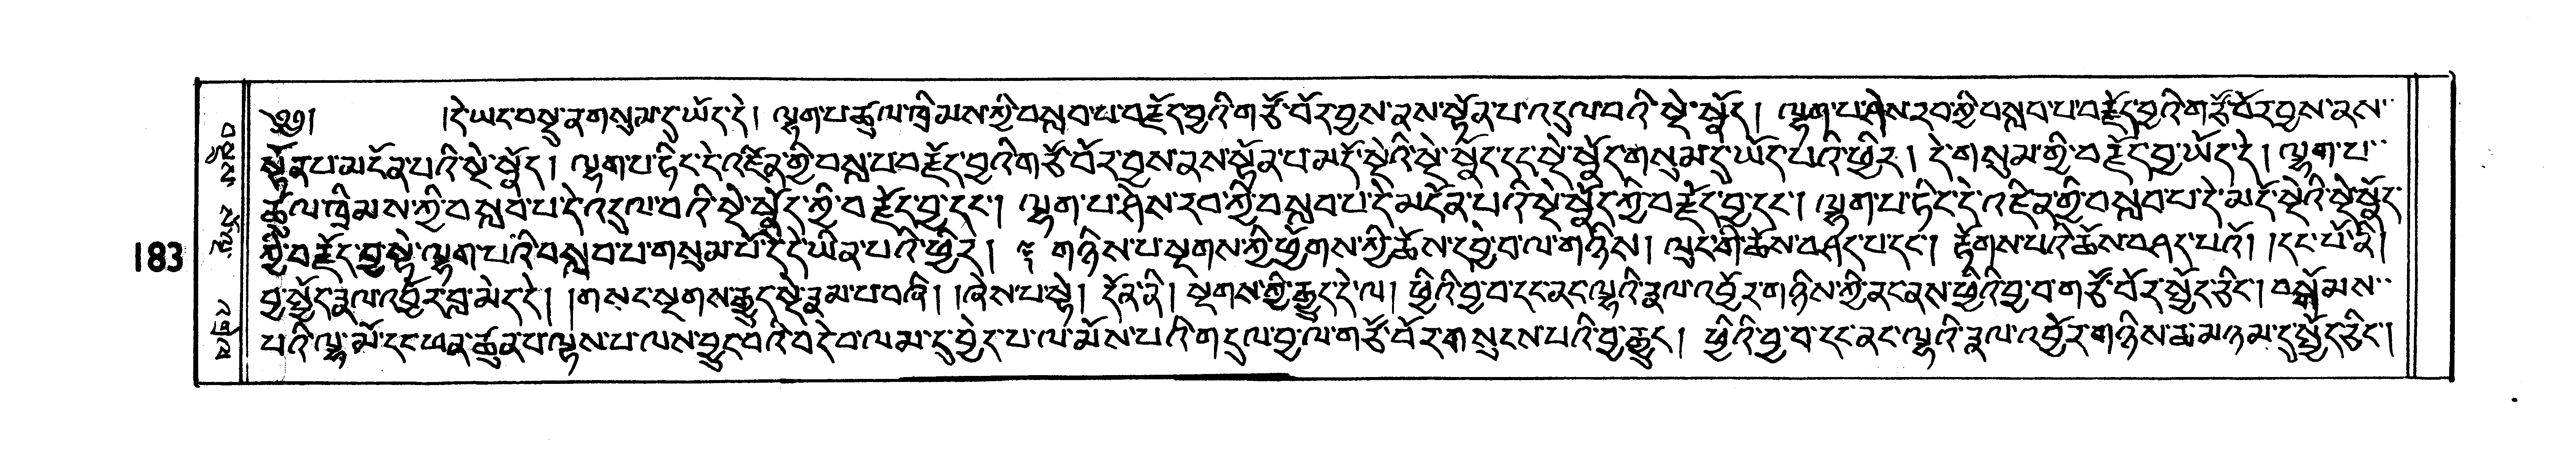༄༅། །དེ་ཡང་བསྡུ་ན་གསུམ་དུ་ཡོད་དེ། ལྷག་པ་ཚུལ་ཁྲིམས་ཀྱི་བསླབ་པ་བརྗོད་བྱའི་གཙོ་བོར་བྱས་ནས་སྟོན་པ་འདུལ་བའི་སྡེ་སྣོད། ལྷག་པ་ཤེས་རབ་ཀྱི་བསླབ་པ་བརྗོད་བྱའི་གཙོ་བོར་བྱས་ནས་
སྟོན་པ་མངོན་པའི་སྡེ་སྣོད། ལྷག་པ་ཏིང་ངེ་འཛིན་གྱི་བསལ་པ་བརྗོད་བྱའི་གཙོ་བོར་བྱས་ནས་སྟོན་པ་མདོ་སྡེའི་སྡེ་སྣོད་དང་སྡེ་སྣོད་གསུམ་དུ་ཡོད་པའི་ཕྱིར། དེ་གསུམ་གྱི་བརྗོད་བྱ་ཡོད་དེ། ལྷག་པ་
ཚུལ་ཁྲིམས་ཀྱི་བསླབ་པ་དེ་འདུལ་བའི་སྡེ་སྣོད་ཀྱི་བརྗོད་བྱ་དང་། ལྷག་པ་ཤེས་རབ་ཀྱི་བསླབ་པ་དེ་མངོན་པའི་སྡེ་སྣོད་ཀྱི་བརྗོད་བྱ་དང་། ལྷག་པ་ཏིང་ངེ་འཛིན་གྱི་བསླབ་པ་དེ་མདོ་སྡེའི་སྡེ་སྣོད་
ཀྱི་བརྗོད་བྱ་སྟེ་ལྷག་པའི་བསླབ་པ་གསུམ་པོ་དེ་དེ་ཡིན་པའི་ཕྱིར། ༈ གཉིས་པ་སྔགས་ཀྱི་ཕྱོགས་ཀྱི་ཆོས་དབྱེ་བ་ལ་གཉིས། ལུང་གི་ཆོས་བཤད་པ་དང་། རྟོགས་པའི་ཆོས་བཤད་པའོ། །དང་པོ་ནི།
བྱ་སྤྱོད་རྣལ་འབྱོར་བླ་མེད་དེ། །གསང་སྔགས་རྒྱུད་སྡེ་རྣམ་པ་བཞི། །ཞེས་པ་སྟེ། དོན་ནི། སྔགས་ཀྱི་རྒྱུད་དེ་ལ། ཕྱིའི་བྱ་བ་དང་ནང་ལྷའི་རྣལ་འབྱོར་གཉིས་ཀྱི་ནང་ནས་ཕྱིའི་བྱ་བ་གཙོ་བོར་སྤྱོད་ཅིང་། བསྒོམས་
པའི་ལྷ་མོ་དང་ཕན་ཚུན་པ་ལྟས་པ་ལས་བྱུང་བའི་བདེ་བ་ལམ་དུ་བྱེད་པ་ལ་མོས་པའི་གདུལ་བྱ་ལ་གཙོ་བོར་གསུངས་པའི་བྱ་རྒྱུད། ཕྱིའི་བྱ་བ་དང་ནང་ལྷའི་རྣལ་འབྱོར་གཉིས་ཆ་མཉམ་དུ་སྤྱོད་ཅིང་།